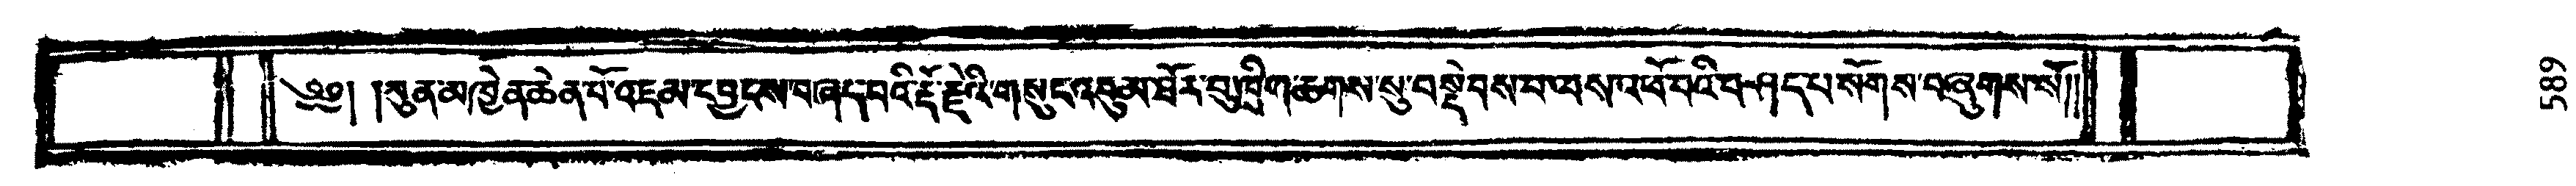༄༅། །ཀུན་མཁྱེན་ཆེན་པོ་འཇམ་དབྱངས་བཞད་པའི་རྡོ་རྗེའི་གསུང་འབུམ་ཐོར་བུ་ཁྲིག་ཆགས་སུ་བསྡེབས་པ་ལས་འཕོ་བའི་བཤད་པ་སོགས་བཞུགས་སོ།།